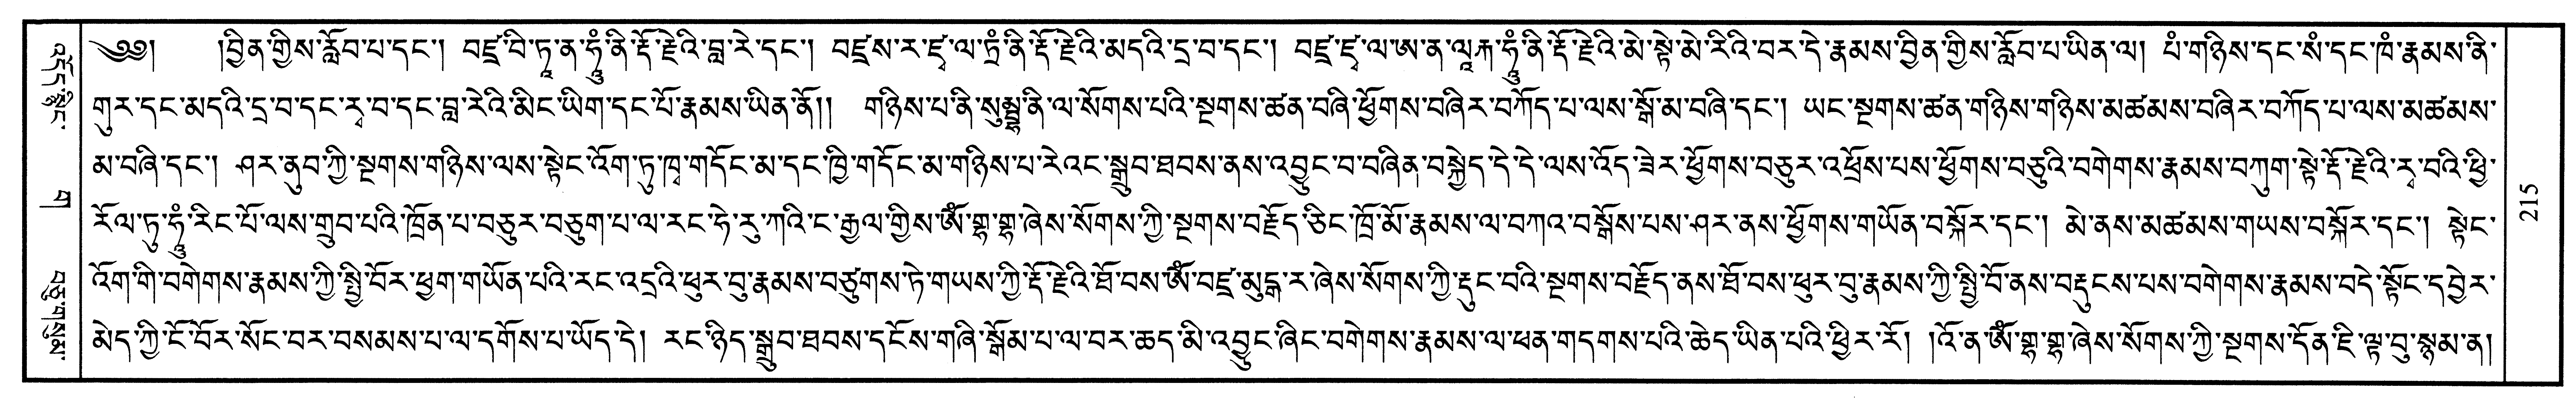༄༅། །བྱིན་གྱིས་རློབ་པ་དང་། བཛྲ་བི་ཏཱ་ན་ཧཱུཾ་ནི་རྡོ་རྗེའི་བླ་རེ་དང་། བཛྲས་ར་ཛྭ་ལ་ཏྲཾ་ནི་རྡོ་རྗེའི་མདའི་དྲ་བ་དང་། བཛྲ་ཛྭ་ལ་ཨ་ན་ལཱརྐ་ཧཱུཾ་ནི་རྡོ་རྗེའི་མེ་སྟེ་མེ་རིའི་བར་དེ་རྣམས་བྱིན་གྱིས་རློབ་པ་ཡིན་ལ། པཾ་གཉིས་དང་སཾ་དང་ཁཾ་རྣམས་ནི་
གུར་དང་མདའི་དྲ་བ་དང་རྭ་བ་དང་བླ་རེའི་མིང་ཡིག་དང་པོ་རྣམས་ཡིན་ནོ། །གཉིས་པ་ནི་སུམྦྷ་ནི་ལ་སོགས་པའི་སྔགས་ཚན་བཞི་ཕྱོགས་བཞིར་བཀོད་པ་ལས་སྒོ་མ་བཞི་དང་། ཡང་སྔགས་ཚན་གཉིས་གཉིས་མཚམས་བཞིར་བཀོད་པ་ལས་མཚམས་
མ་བཞི་དང་། ཤར་ནུབ་ཀྱི་སྔགས་གཉིས་ལས་སྟེང་འོག་ཏུ་ཁྭ་གདོང་མ་དང་ཁྱི་གདོང་མ་གཉིས་པ་རེའང་སྒྲུབ་ཐབས་ནས་འབྱུང་བ་བཞིན་བསྐྱེད་དེ་དེ་ལས་འོད་ཟེར་ཕྱོགས་བཅུར་འཕྲོས་པས་ཕྱོགས་བཅུའི་བགེགས་རྣམས་བཀུག་སྟེ་རྡོ་རྗེའི་རྭ་བའི་ཕྱི་
རོལ་ཏུ་ཧཱུཾ་རིང་པོ་ལས་གྲུབ་པའི་ཁྲོན་པ་བཅུར་བཅུག་པ་ལ་རང་ཧེ་རུ་ཀའི་ང་རྒྱལ་གྱིས་ཨོཾ་གྷ་གྷ་ཞེས་སོགས་ཀྱི་སྔགས་བརྗོད་ཅིང་ཁྲོ་མོ་རྣམས་ལ་བཀའ་བསྒོས་པས་ཤར་ནས་ཕྱོགས་གཡོན་བསྐོར་དང་། མེ་ནས་མཚམས་གཡས་བསྐོར་དང་། སྟེང་
འོག་གི་བགེགས་རྣམས་ཀྱི་སྤྱི་བོར་ཕྱག་གཡོན་པའི་རང་འདྲའི་ཕུར་བུ་རྣམས་བཙུགས་ཏེ་གཡས་ཀྱི་རྡོ་རྗེའི་ཐོ་བས་ཨོཾ་བཛྲ་མུངྒ་ར་ཞེས་སོགས་ཀྱི་རྡུང་བའི་སྔགས་བརྗོད་ནས་ཐོ་བས་ཕུར་བུ་རྣམས་ཀྱི་སྤྱི་བོ་ནས་བརྡུངས་པས་བགེགས་རྣམས་བདེ་སྟོང་དབྱེར་
མེད་ཀྱི་ངོ་བོར་སོང་བར་བསམས་པ་ལ་དགོས་པ་ཡོད་དེ། རང་ཉིད་སྒྲུབ་ཐབས་དངོས་གཞི་སྒོམ་པ་ལ་བར་ཆད་མི་འབྱུང་ཞིང་བགེགས་རྣམས་ལ་ཕན་གདགས་པའི་ཆེད་ཡིན་པའི་ཕྱིར་རོ། །འོ་ན་ཨོཾ་གྷ་གྷ་ཞེས་སོགས་ཀྱི་སྔགས་དོན་ཇི་ལྟ་བུ་སྙམ་ན།